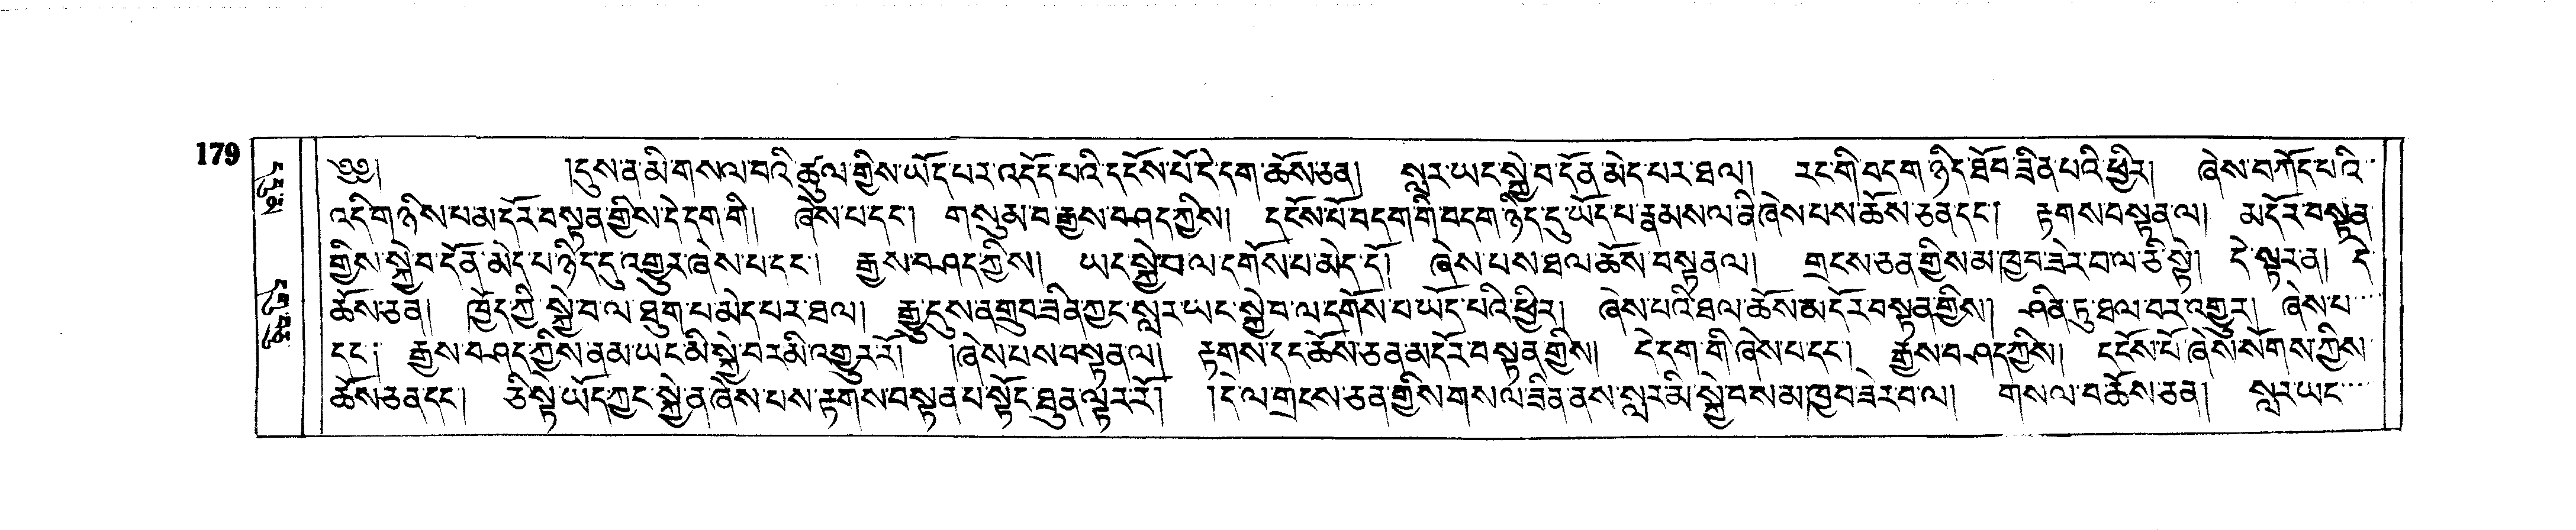༄༅། །དུས་ན་མི་གསལ་བའི་ཚུལ་གྱིས་ཡོད་པར་འདོད་པའི་དངོས་པོ་དེ་དག་ཆོས་ཅན། སླར་ཡང་སྐྱེ་བ་དོན་མེད་པར་ཐལ། རང་གི་བདག་ཉིད་ཐོབ་ཟིན་པའི་ཕྱིར། ཞེས་བཀོད་པའི་
འདི་གཉིས་པ་མདོར་བསྟན་གྱིས་དེ་དག་གི། ཞེས་པ་དང་། གསུམ་བ་རྒྱས་བཤད་ཀྱིས། དངོས་པོ་བདག་གི་བདག་ཉིད་དུ་ཡོད་པ་རྣམས་ལ་ནི་ཞེས་པས་ཆོས་ཅན་དང་། རྟགས་བསྟན་ལ། མདོར་བསྟན་
གྱིས་སྐྱེ་བ་དོན་མེད་པ་ཉིད་དུ་འགྱུར་ཞེས་པ་དང་། རྒྱས་བཤད་ཀྱིས། ཡང་སྐྱེ་བ་ལ་དགོས་པ་མེད་དོ། ཞེས་པས་ཐལ་ཆོས་བསྟན་ལ། གྲངས་ཅན་གྱིས་མ་ཁྱབ་ཟེར་བ་ལ་ཅི་སྟེ། དེ་ལྟར་ན། དེ་
ཆོས་ཅན། ཁྱོད་ཀྱི་སྐྱེ་བ་ལ་ཐུག་པ་མེད་པར་ཐལ། རྒྱུ་དུས་ན་གྲུབ་ཟིན་ཀྱང་སླར་ཡང་སྐྱེ་བ་ལ་དགོས་པ་ཡོད་པའི་ཕྱིར། ཞེས་པའི་ཐལ་ཆོས་མདོར་བསྟན་གྱིས། ཤིན་ཏུ་ཐལ་བར་འགྱུར། ཞེས་པ་
དང་། རྒྱས་བཤད་ཀྱིས་ནམ་ཡང་མི་སྐྱེ་བར་མི་འགྱུར་རོ། །ཞེས་པས་བསྟན་ལ། རྟགས་དང་ཆོས་ཅན་མདོར་བསྟན་གྱིས། དེ་དག་གི་ཞེས་པ་དང་། རྒྱས་བཤད་ཀྱིས། དངོས་པོ་ཞེས་སོགས་ཀྱིས་
ཆོས་ཅན་དང་། ཅི་སྟེ་ཡོད་ཀྱང་སྐྱེ་ན་ཞེས་པས་རྟགས་བསྟན་པ་སྟོང་ཐུན་ལྟར་རོ། །དེ་ལ་གྲངས་ཅན་གྱིས་གསལ་ཟིན་ནས་སླར་མི་སྐྱེ་བས་མ་ཁྱབ་ཟེར་བ་ལ། གསལ་བ་ཆོས་ཅན། སླར་ཡང་།